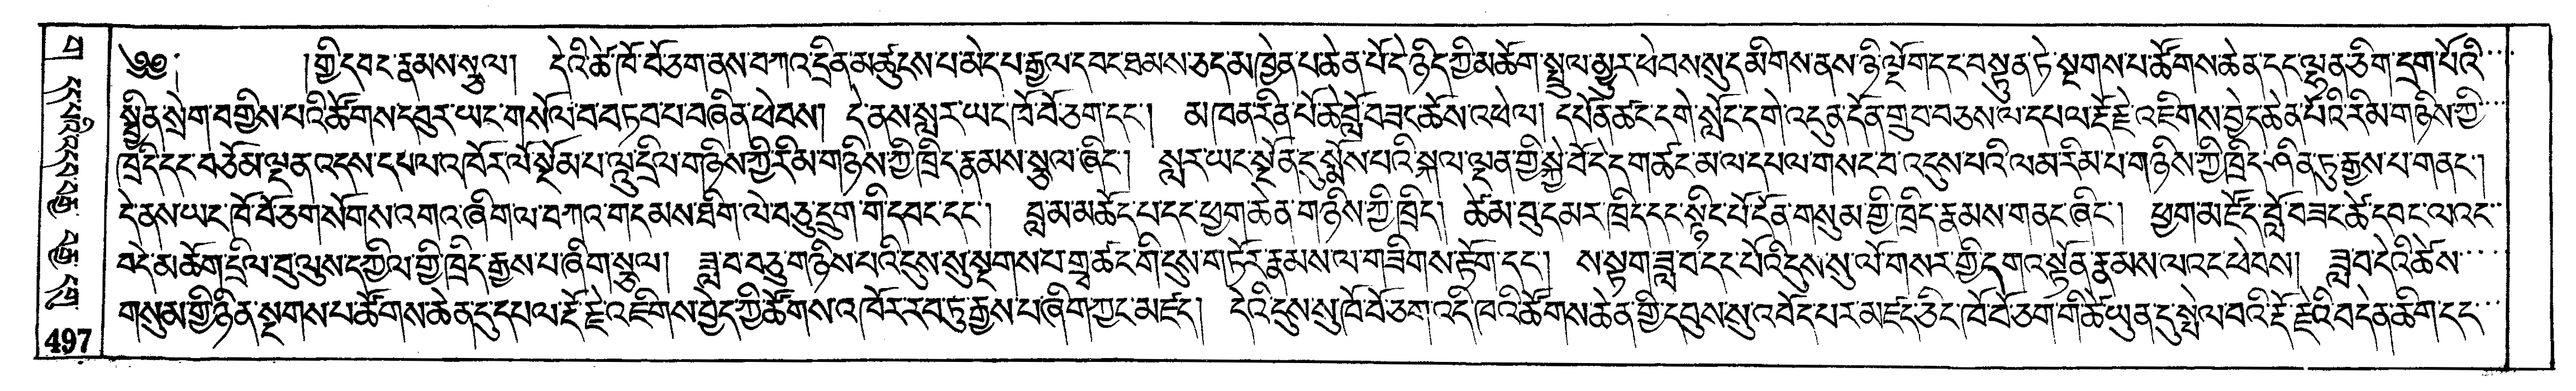༄༅། །གྱི་དབང་རྣམས་སྩལ། དེའི་ཚེ་ཁོ་བོ་ཅག་ནས་བཀའ་དྲིན་མཚུངས་པ་མེད་པ་རྒྱལ་དབང་ཐམས་ཅད་མཁྱེན་པ་ཆེན་པོ་དེ་ཉིད་ཀྱི་མཆོག་སྤྲུལ་མྱུར་ཕེབས་སུ་དམིགས་ནས་ཉི་ལྡོག་དང་བསྟུན་ཏེ་སྔགས་པ་ཚོགས་ཆེན་དང་ལྷན་ཅིག་དྲག་པོའི་
སྦྱིན་སྲེག་བགྱིས་པའི་ཚོགས་དབུར་ཡང་གསོལ་བ་བཏབ་པ་བཞིན་ཕེབས། དེ་ནས་སླར་ཡང་ཁོ་བོ་ཅག་དང་། མཁན་རིན་པོ་ཆེ་བློ་བཟང་ཆོས་འཕེལ། དཔོན་ཚང་དགེ་སློང་དགེ་འདུན་དོན་གྲུབ་བཅས་པ་དཔལ་རྡོ་རྗེ་འཇིགས་བྱེད་ཆེན་པོའི་རིམ་གཉིས་ཀྱི་
ཁྲིད་དང་བཅོམ་ལྡན་འདས་དཔལ་འཁོར་ལོ་སྡོམ་པ་ལཱུ་དྲིལ་གཉིས་ཀྱི་རིམ་གཉིས་ཀྱི་ཁྲིད་རྣམས་སྩལ་ཞིང་། སླར་ཡང་སྔོན་དུ་སྨོས་པའི་སྐལ་ལྡན་གྱི་སྐྱེ་བོ་དེ་དག་ཚང་མ་ལ་དཔལ་གསང་བ་འདུས་པའི་ལམ་རིམ་པ་གཉིས་ཀྱི་ཁྲིད་ཤིན་ཏུ་རྒྱས་པ་གནང་།
དེ་ནས་ཡང་ཁོ་བོ་ཅག་སོགས་འགའ་ཞིག་ལ་བཀའ་གདམས་ཐིག་ལེ་བཅུ་དྲུག་གི་དབང་དང་། བླ་མ་མཆོད་པ་དང་ཕྱག་ཆེན་གཉིས་ཀྱི་ཁྲིད། ཚེམ་བུ་དམར་ཁྲིད་དང་སྙིང་པོ་དོན་གསུམ་གྱི་ཁྲིད་རྣམས་གནང་ཞིང་། ཕྱག་མཛོད་བློ་བཟང་ཚེ་དབང་ལའང་
བདེ་མཆོག་དྲིལ་བུ་ལུས་དཀྱིལ་གྱི་ཁྲིད་རྒྱས་པ་ཞིག་སྩལ། ཟླ་བ་བཅུ་གཉིས་པའི་དུས་སུ་སྔགས་པ་གྲྭ་ཚང་གི་དུས་གཏོར་རྣམས་ལ་གཟིགས་རྟོག་དང་། ས་སྟག་ཟླ་བ་དང་པོའི་དུས་སུ་ལོ་གསར་གྱི་དགའ་སྟོན་རྣམས་ལའང་ཕེབས། ཟླ་བ་དེའི་ཚེས་
གསུམ་གྱི་ཉིན་སྔགས་པ་ཚོགས་ཆེན་དུ་དཔལ་རྡོ་རྗེ་འཇིགས་བྱེད་ཀྱི་ཚོགས་འཁོར་རབ་ཏུ་རྒྱས་པ་ཞིག་ཀྱང་མཛད། དེའི་དུས་སུ་ཁོ་བོ་ཅག་འདི་ཁའི་ཚོགས་ཆེན་གྱི་དབུས་སུ་འབོད་པར་མཛད་ཅིང་ཁོ་བོ་ཅག་གི་ཚེ་ཡུན་དུ་སྤེལ་པའི་རྡོ་རྗེའི་བདེན་ཚིག་དང་